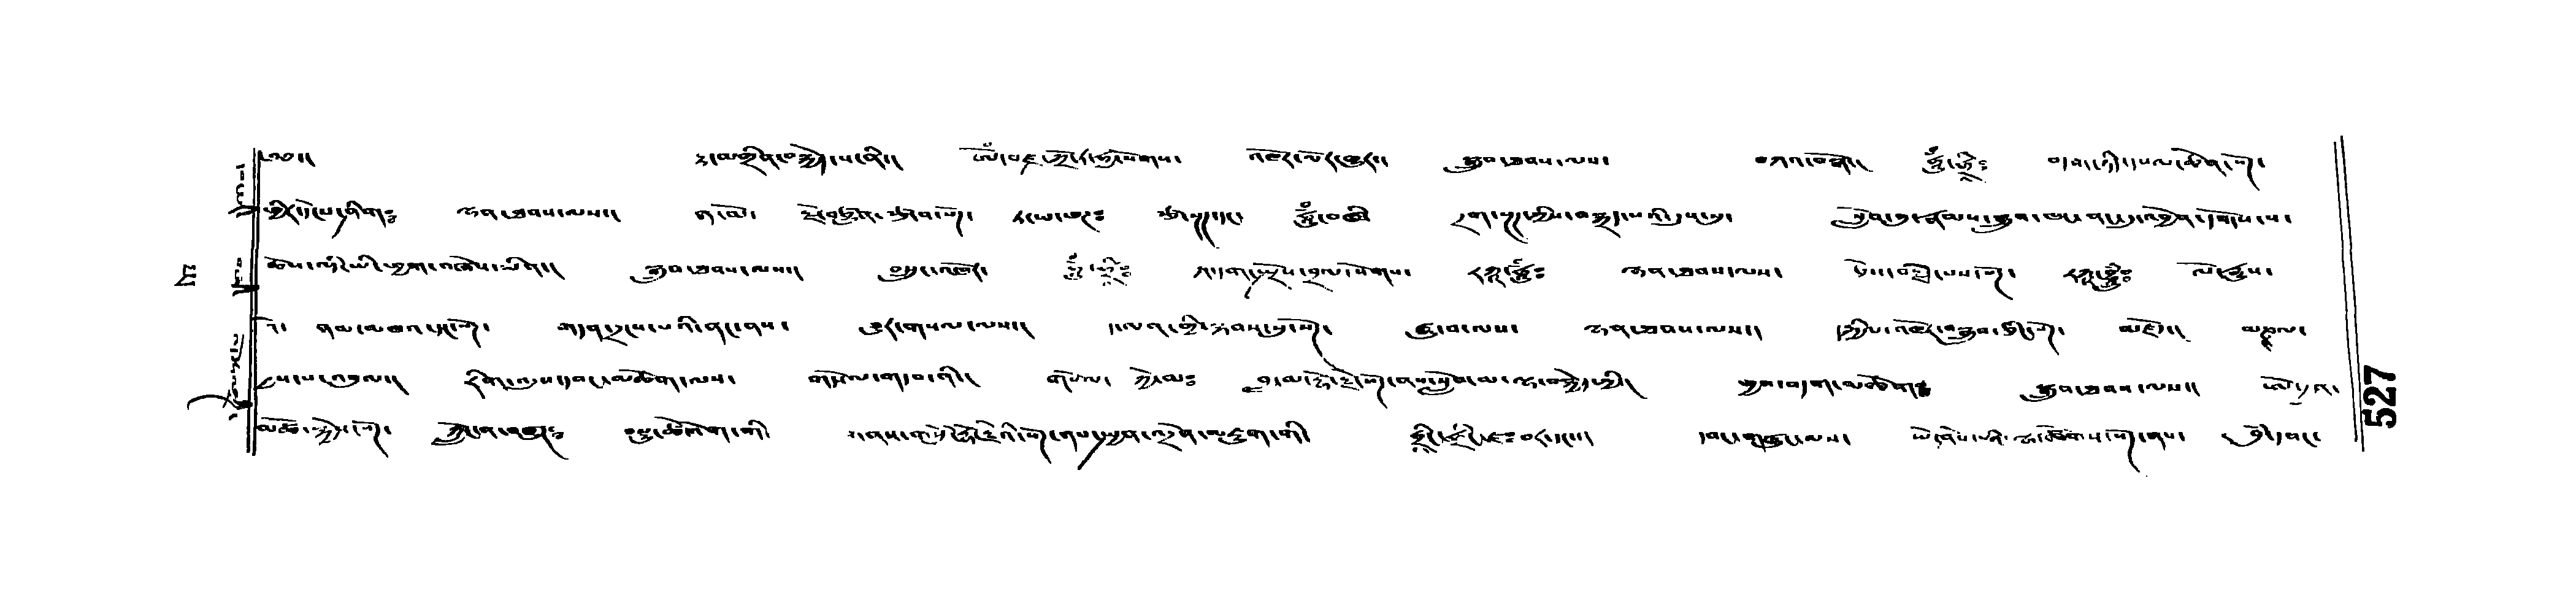རྟ་མགྲིན་བསྐྱེད་པ་ནི། ཨོཾ་བཛྲ་ཀྲོ་ཏ་ཧྱ་སོགས། འཁོར་ལོར་གྱུར། སྒྲུབ་ཐབས་ལས། བཀའ་བསྒོ། ཧཱུྃ་ཧྲཱིཿ བདག་ཉིད་དཔལ་ཆེན་སོགས། 
ཕྱིར་དེངས་ཤིག༔ ལྷན་ཐབས་ལས། ན་མོ། རྗེ་བཙུན་རྩ་བ་སོགས། ཏ་ཡ་ཕཊཿ རྩ་སྔགས་དང་། ཧཱུྃ་བཞི། དྲག་སྔགས་ཀྱིས་བསྐྲད་པའི་དུས་སུ། སློན་བུ་རྣམས་སྒྲུབ་ཁང་ནང་དུ་འབྱོན་དགོས་པ་
ཆོས་འདི་ཡི་ཕྱག་བཞེས་ཡིན། སྒྲུབ་ཐབས་ལས། བསྲུང་འཁོར།ཧཱུྃ་ཧྲཱིཿ ཀ་དག་སྤྲོས་བྲལ་སོགས། རཀྵ་ཧཱུྃ༔ ལྷན་ཐབས་ལས། ཅེས་བརྗོད་པས་སོགས། རཀྵ་བྷཱུྃ༔ ལོ་རྒྱུས། 
འོ། ནམ་མཁའ་དང་སོགས། གདན་དྲངས་པའི་ནང་ནས། ཟུར་གསལ་ལས། ད་ལན་གྱི་སྐབས་སུ་སོགས། ཞུ་བ་ལ། ལྷན་ཐབས་ལས། དཀྱིལ་འཁོར་བསྒྲུབ་ཅིང་སོགས། མཛོད། མཎྜལ་
རྒྱས་པ་འབུལ། རིག་འདུས་དབང་མཆོག་ལས། གསོལ་བ་གདབ་ནི། གསོལ། ཀྱེཻ་མ༔ བླ་མ་རྡོ་རྗེ་སོགས་ནས་སློབ་མ་ལྷ་བསྐྱེད་ཀྱི། ཁྱབ་བདག་མཆོག༔ སྒྲུབ་ཐབས་ལས། ཨོ་རྒྱན་
མཚོ་སྐྱེས་སོགས། ཀློང་ན་གཞུགས༔ བསྡུ་ཚེ་འོག་གི གནས་སུམ་རྡོ་རྗེའི་སོགས་ནས་སྤྱན་འདྲེན་མཇུག་གི ཧྲཱིང་ཧྲཱིང་ཛཿ བར་དང་། དབང་གཞུང་ལས། ཡེ་ཤེས་པའི་ལྷ་ཚོགས་སོགས་ནས། བུམ་དབང་